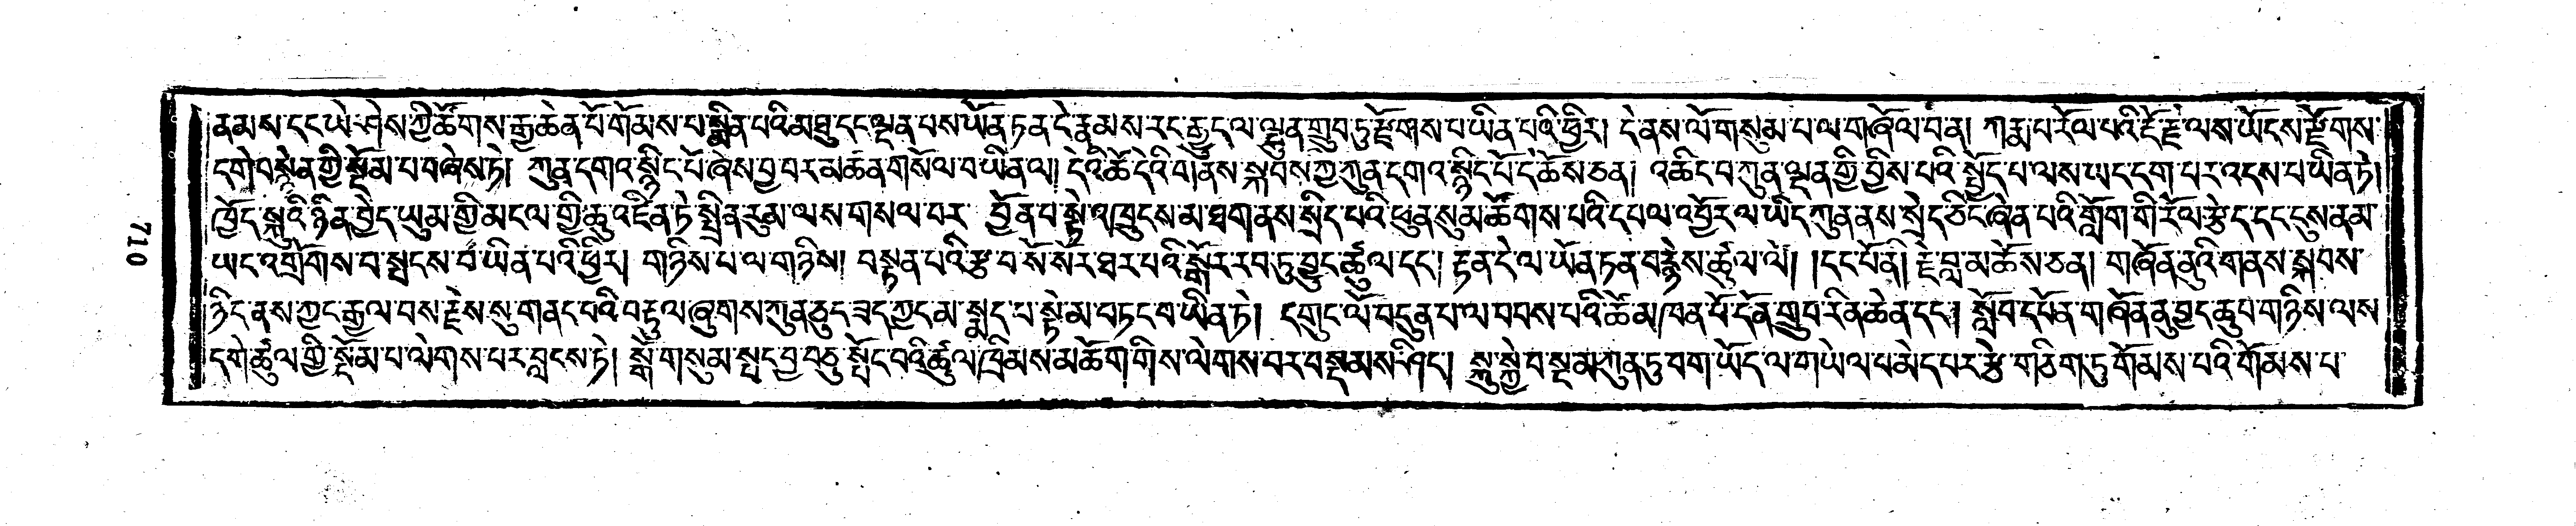ནམས་དང་ཡེ་ཤེས་ཀྱི་ཚོགས་རྒྱ་ཆེན་པོ་གོམས་པ་སྨིན་པའི་མཐུ་དང་ལྡན་པས་ཡོན་ཏན་དེ་རྣམས་རང་རྒྱུད་ལ་ལྷུན་གྲུབ་ཏུ་རྫོགས་པ་ཡིན་པའི་ཕྱིར། དེ་ནས་ལོ་གསུམ་པ་ལ་གཞོལ་བ་ན། ཀརྨ་པ་རོལ་པའི་རྡོ་རྗེ་ལས་ཡོངས་རྫོགས་
དགེ་བསྙེན་གྱི་སྡོམ་པ་བཞེས་ཏེ། ཀུན་དགའ་སྙིང་པོ་ཞེས་བྱ་བར་མཆན་གསོལ་བ་ཡིན་ལ། དེའི་ཚེ་དེའི་གནས་སྐབས་ཀྱི་ཀུན་དགའ་སྙིང་པོ་དེ་ཆོས་ཅན། འཆིང་བ་ཀུན་ལྡན་གྱི་བྱིས་པའི་སྤྱོད་པ་ལས་ཡང་དག་པར་འདས་པ་ཡིན་ཏེ།
ཁྱོད་སྐུའི་ཉིན་བྱེད་ཡུམ་གྱི་མངལ་གྱི་ཆུ་འཛིན་ཏེ་སྤྲིན་རུམ་ལས་གསལ་བར་བྱོན་པ་སྟེ་འཁྲུངས་མ་ཐག་ནས་སྲིད་པའི་ཕུན་སུམ་ཚོགས་པའི་དཔལ་འབྱོར་ལ་ཡིད་ཀུན་ནས་སྲེད་ཅིང་ཞེན་པའི་གློག་གི་རོལ་རྩེད་དང་དུས་ནམ་
ཡང་འགྲོགས་པ་སྤངས་པ་ཡིན་པའི་ཕྱིར། གཉིས་པ་ལ་གཉིས། བསྟན་པའི་རྩ་བ་སོ་སོར་ཐར་པའི་སྒོར་རབ་ཏུ་བྱུང་ཚུལ་དང་། རྟེན་དེ་ལ་ཡོན་ཏན་བརྙེས་ཚུལ་ལོ། །དང་པོ་ནི། རྗེ་བླ་མ་ཆོས་ཅན། གཞོན་ནུའི་གནས་སྐབས་
ཉིད་ནས་ཀྱང་རྒྱལ་བས་རྗེས་སུ་གནང་བའི་བརྟུལ་ཞུགས་ཀུན་ཅུང་ཟད་ཀྱང་མ་སྨད་པ་སྟེ་མ་བཏང་བ་ཡིན་ཏེ། དགུང་ལོ་བདུན་པ་ལ་བབས་པའི་ཚེ་མཁན་པོ་དོན་གྲུབ་རིན་ཆེན་དང་། སློབ་དཔོན་གཞོན་ནུ་བྱང་ཆུབ་གཉིས་ལས་
དགེ་ཚུལ་གྱི་སྡོམ་པ་ལེགས་པར་བླངས་ཏེ། སྒོ་གསུམ་སྤང་བྱ་བཅུ་སྤོང་བའི་ཚུལ་ཁྲིམས་མཆོག་གིས་ལེགས་པར་བསྡམས་ཤིང་། སྐུ་སྐྱེ་བ་སྔ་མ་ཀུན་ཏུ་བག་ཡོད་ལ་གཡེལ་བ་མེད་པར་རྩེ་གཅིག་ཏུ་གོམས་པའི་གོམས་པ་